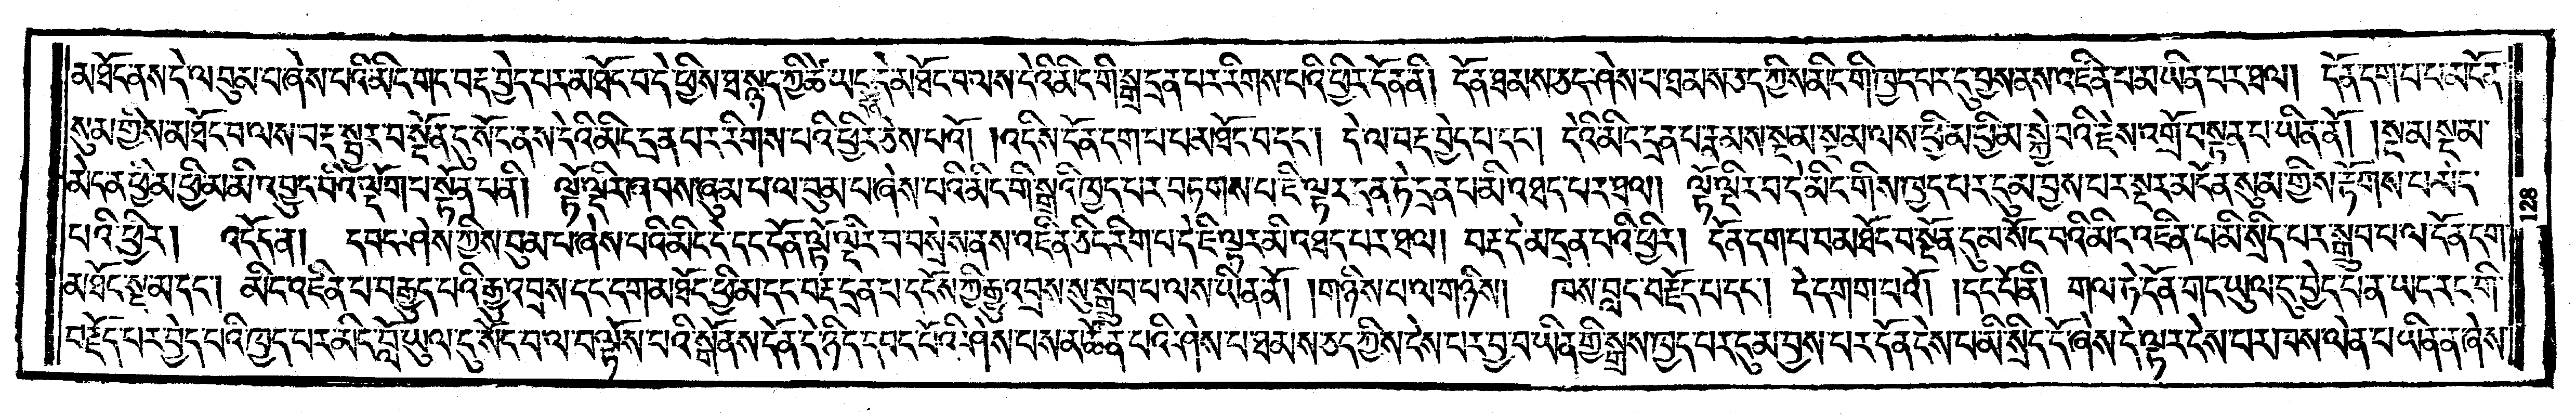མཐོང་ནས་དེ་ལ་བུམ་པ་ཞེས་པའི་མིང་གང་བརྡ་བྱེད་པར་མཐོང་བ་དེ་ཕྱིས་ཐ་སྙད་ཀྱི་ཚེ་ཡང་དོན་དེ་མཐོང་བ་ལས་དེའི་མིང་གི་སྒྲ་དྲན་པར་རིགས་པའི་ཕྱིར་དོན་ནི། དོན་ཐམས་ཅད་ཤེས་པ་ཐམས་ཅད་ཀྱིས་མིང་གི་ཁྱད་པར་དུ་བྱས་ནས་འཛིན་པ་མ་ཡིན་པར་ཐལ། དོན་དག་པ་པ་མངོན་
སུམ་གྱིས་མཐོང་བ་ལས་བརྡ་སྦྱར་བ་སྔོན་དུ་སོང་ནས་དེའི་མིང་དྲན་པར་རིགས་པའི་ཕྱིར་ཅེས་པའོ། །འདིས་དོན་དག་པ་པ་མཐོང་བ་དང་། དེ་ལ་བརྡ་བྱེད་པ་དང་། དེའི་མིང་དྲན་པ་རྣམས་སྔ་མ་སྔ་མ་ལས་ཕྱི་མ་ཕྱི་མ་སྐྱེ་བའི་རྗེས་འགྲོ་བསྟན་པ་ཡིན་ནོ། །སྔ་མ་སྔ་མ་
མེད་ན་ཕྱི་མ་ཕྱི་མ་མི་འབྱུང་བའི་ལྡོག་པ་སྟོན་པ་ནི། ལྟོ་ལྡིར་ཞབས་ཞུམ་པ་ལ་བུམ་པ་ཞེས་པའི་མིང་གི་སྒྲའི་ཁྱད་པར་བཏགས་པ་ཇི་ལྟར་དྲན་ཏེ་དྲན་པ་མི་འཐད་པར་ཐལ། ལྟོ་ལྡིར་བ་དེ་མིང་གིས་ཁྱད་པར་དུ་མ་བྱས་པར་སྔར་མངོན་སུམ་གྱིས་རྟོགས་པ་མེད་
པའི་ཕྱིར། འདོད་ན། དབང་ཤེས་ཀྱིས་བུམ་པ་ཞེས་པའི་མིང་དེ་དང་དོན་ལྟོ་ལྡིར་བ་བསྲེས་ནས་འཛིན་ཅིང་རིག་པ་དེ་ཇི་ལྟར་མི་འཐད་པར་ཐལ། བརྡ་དེ་མ་དྲན་པའི་ཕྱིར། དོན་དག་པ་པ་མཐོང་བ་སྔོན་དུ་མ་སོང་བའི་མིང་འཛིན་པ་མི་སྲིད་པར་སྒྲུབ་པ་ལ་དོན་དག་
མཐོང་སྔ་མ་དང་། མིང་འཛིན་པ་བརྒྱུད་པའི་རྒྱུ་འབྲས་དང་དག་མཐོང་ཕྱི་མ་དང་བརྡ་དྲན་པ་དངོས་ཀྱི་རྒྱུ་འབྲས་སུ་སྒྲུབ་པ་ལས་ཡིན་ནོ། །གཉིས་པ་ལ་གཉིས། ཁས་བླང་བརྗོད་པ་དང་། དེ་དགག་པའོ། །དང་པོ་ནི། གལ་ཏེ་དོན་གང་ཡུལ་དུ་བྱེད་པ་ན་ཡང་རང་གི་
བརྗོད་པར་བྱེད་པའི་ཁྱད་པར་མིང་བློ་ཡུལ་དུ་སོང་བ་ལ་བལྟོས་པའི་སྒོ་ནས་དོན་དེ་ཉིད་དབང་པོའི་ཤེས་པས་མཚོན་པའི་ཤེས་པ་ཐམས་ཅད་ཀྱིས་ངེས་པར་བྱ་བ་ཡིན་གྱི་སྒྲས་ཁྱད་པར་དུ་མ་བྱས་པར་དོན་ངེས་པ་མི་སྲིད་དོ་ཞེས་དེ་ལྟར་ངེས་པར་ཁས་ལེན་པ་ཡིན་ན་ཞེས་